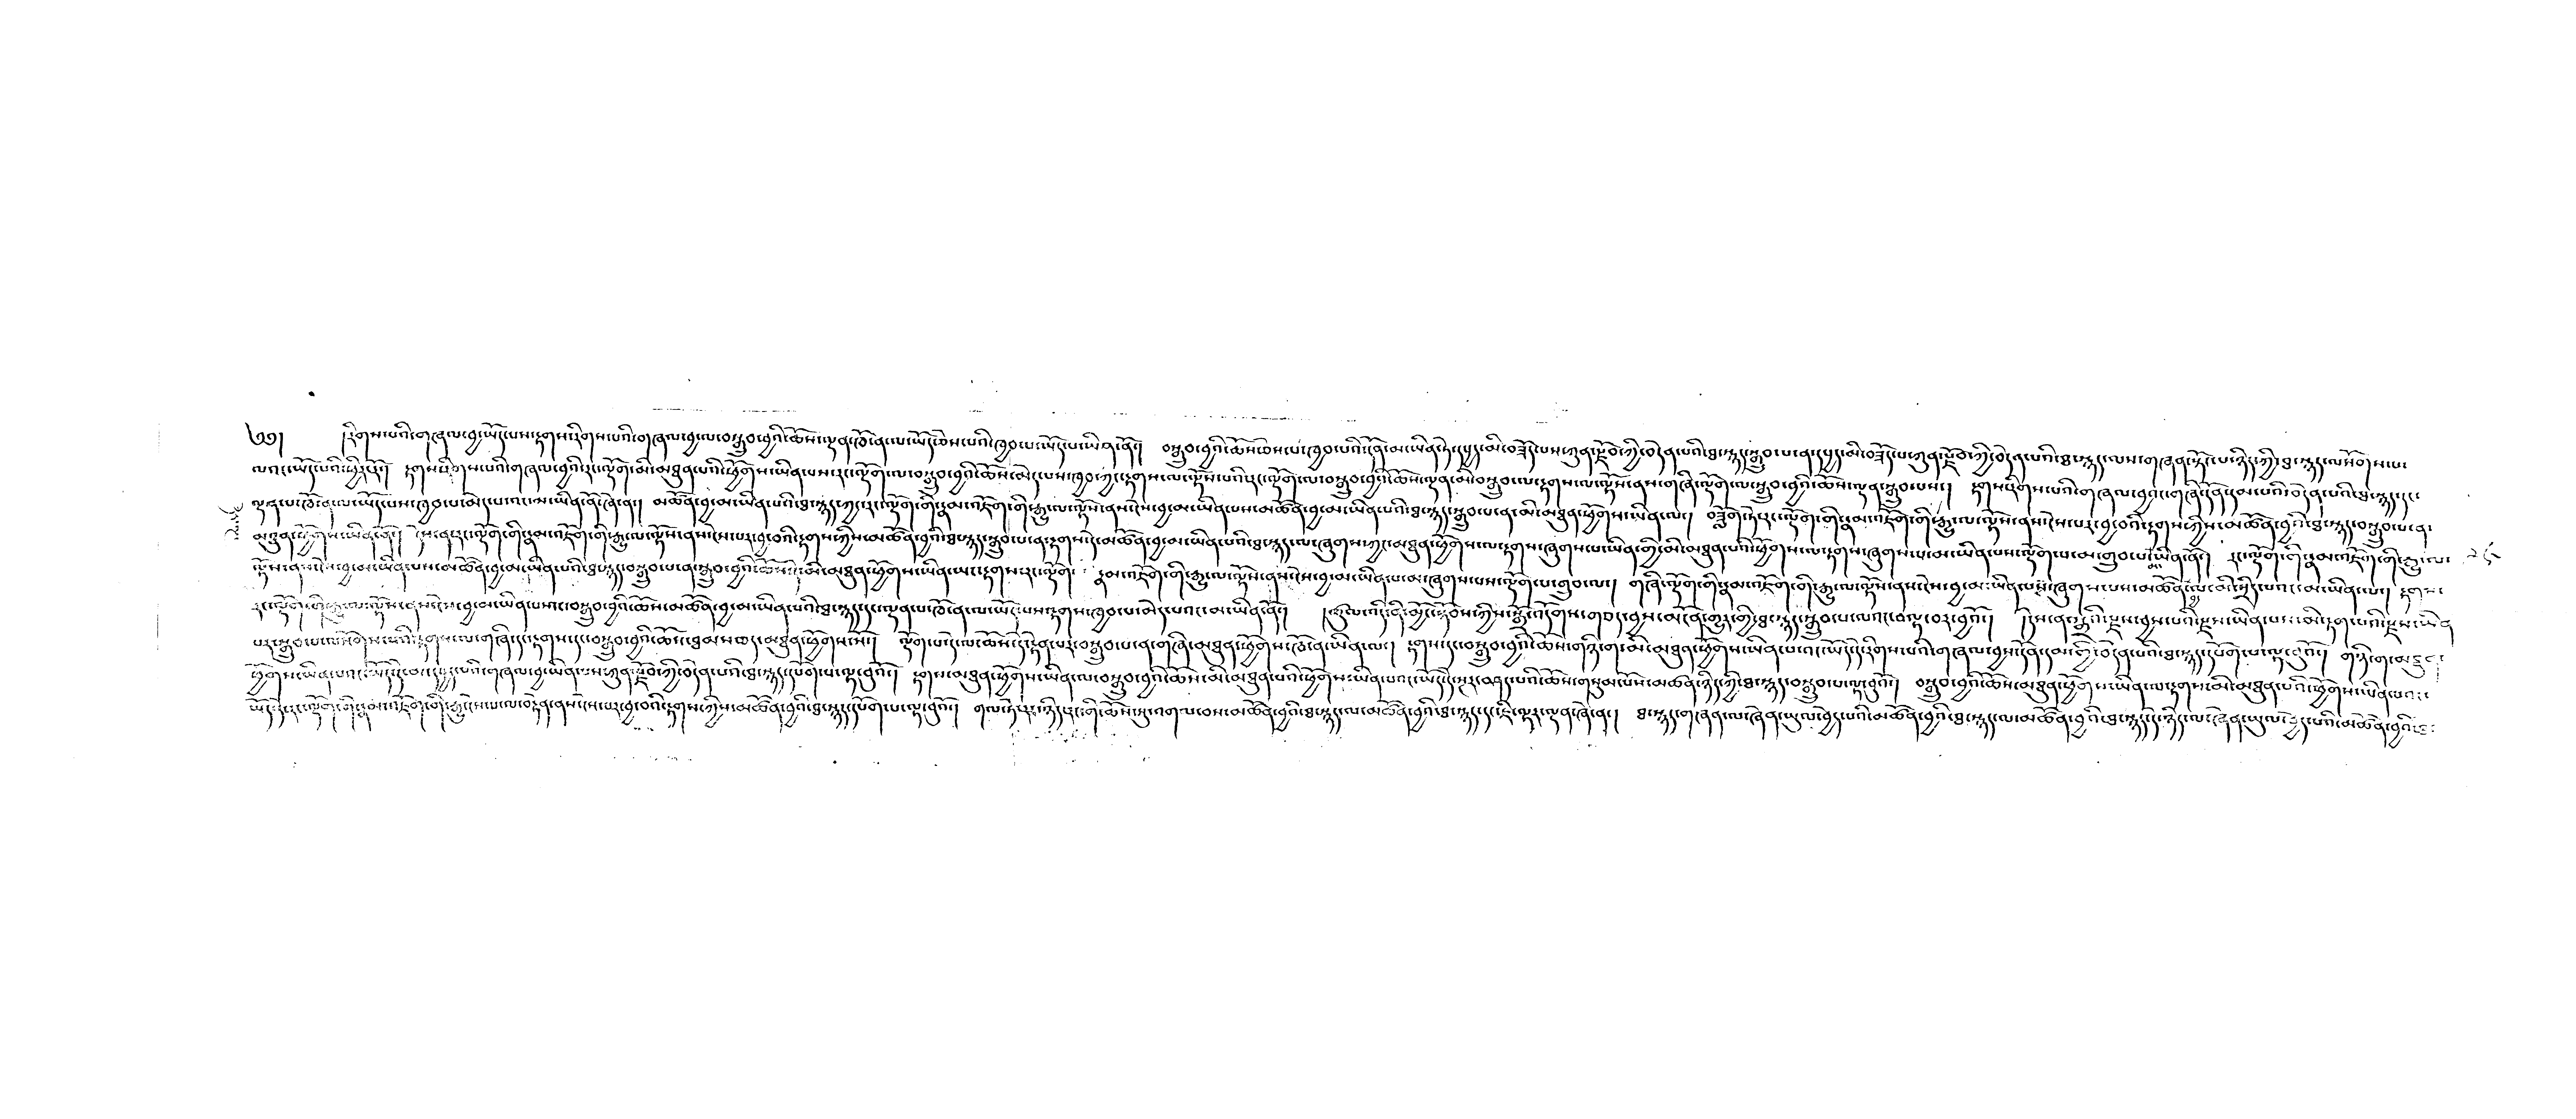༈། །རིགས་པའི་གཞལ་བྱ་ཡོད་པས་རྟགས་རིགས་པའི་གཞལ་བྱ་ལ་བསྒྲུབ་བྱའི་ཆོས་ལྡན་ཁོ་ན་ལ་ཡོད་ཅེས་པའི་ཁྱབ་པ་ཡོད་པ་ཡིན་ནོ། བསྒྲུབ་བྱའི་ཆོས་ཅེས་པ་ཁྱབ་པའི་དོན་མ་ཡིན་ཏེ་དཔྱད་མི་བཟོད་པས་ཀུན་རྫོབ་ཀྱི་བདེན་པའི་ཐ་སྙད་སྒྲུབ་པ་ན་དཔྱད་མི་བཟོད་པ་ཀུན་རྫོབ་ཀྱི་བདེན་པའི་ཐ་སྙད་ལས་གཞན་སྟོང་པ་ཉིད་ཀྱི་ཐ་སྙད་ལ་སོགས་པ་
ལའང་ཡོད་པའི་ཕྱིར་རོ། རྟགས་རིགས་པའི་གཞལ་བྱའི་རང་ལྡོག་མི་མཐུན་པའི་ཕྱོགས་ཡིན་པས་རང་ལྡོག་ལ་བསྒྲུབ་བྱའི་ཆོས་མེད་པས་ཁྱབ་ཀྱང་རྟགས་ལ་ལྟོས་པའི་རང་ལྡོག་ལ་བསྒྲུབ་བྱའི་ཆོས་ལྡན་མི་བསྒྲུབ་ལ་རྟགས་ལ་ལྟོས་ནས་གཞི་ལྡོག་ལ་སྒྲུབ་བྱའི་ཆོས་ལྡན་སྒྲུབ་པས། རྟགས་རིགས་པའི་གཞལ་བྱའང་གཞི་དོན་དམ་པའི་བདེན་པའི་ཐ་སྙད་དང་
ལྡན་པ་ཁོ་ན་ལ་ཡོད་པས་ཁྱབ་པ་མེད་པ་འང་མ་ཡིན་ནོ་ཞེ་ན། མཚོན་བྱ་མ་ཡིན་པའི་ཐ་སྙད་ཀྱང་རང་ལྡོག་གི་རྣམ་འཇོག་གི་རྒྱུ་ལ་ལྟོས་ནས་ངེས་བྱ་མ་ཡིན་པས་མཚོན་བྱ་མ་ཡིན་པའི་ཐ་སྙད་སྒྲུབ་པ་ན་མི་མཐུན་ཕྱོགས་ཡིན་ལ། བཟློག་ཏེ་རང་ལྡོག་གི་རྣམ་འཇོག་གི་རྒྱུ་ལ་ལྟོས་ནས་ངེས་པར་བྱ་བའི་རྟགས་ཀྱིས་མཚོན་བྱའི་ཐ་སྙད་བསྒྲུབ་པ་ན་
མཐུན་ཕྱོགས་ཡིན་ནོ། དེས་ན་རང་ལྡོག་གི་རྣམ་འཇོག་གི་རྒྱུ་ལ་ལྟོས་ནས་ངེས་པར་བྱ་བའི་རྟགས་ཀྱིས་མཚོན་བྱའི་ཐ་སྙད་སྒྲུབ་པ་ན་རྟགས་དེ་མཚོན་བྱ་མ་ཡིན་པའི་ཐ་སྙད་ལ་ཞུགས་ཀྱང་མཐུན་ཕྱོགས་ལ་རྟགས་ཞུགས་པ་ཡིན་གྱི་མི་མཐུན་པའི་ཕྱོགས་ལ་རྟགས་ཞུགས་པ་མ་ཡིན་པས་ལྡོག་པ་མ་གྲུབ་པ་མ་ཡིན་ནོ། རང་ལྡོག་གི་རྣམ་འཇོག་གི་རྒྱུ་ལ་
ལྟོས་ནས་ངེས་བྱ་མ་ཡིན་པས་མཚོན་བྱ་མ་ཡིན་པའི་ཐ་སྙད་བསྒྲུབ་པ་ན་སྒྲུབ་བྱའི་ཆོས་དེ་མི་མཐུན་ཕྱོགས་ཡིན་ཡང་རྟགས་རང་ལྡོག་རྣམ་འཇོག་གི་རྒྱུ་ལ་ལྟོས་ནས་ངེས་བྱ་མ་ཡིན་པ་མ་ཞུགས་པས་ལྡོག་པ་གྲུབ་ལ། གཞི་ལྡོག་གི་རྣམ་འཇོག་གི་རྒྱུ་ལ་ལྟོས་ནས་ངེས་བྱ་མ་ཡིན་ལས་ཞུགས་པས་མཚོན་བྱ་ལ་མི་སྲིད་པའང་མ་ཡིན་ལ། རྟགས་
རང་ལྡོག་གི་རྒྱུ་མ་ལྟོས་ནས་ངེས་བྱ་མ་ཡིན་པ་འང་བསྒྲུབ་བྱའི་ཆོས་མཚོན་བྱ་མ་ཡིན་པའི་ཐ་སྙད་དང་ལྡན་པ་ཁོ་ན་ལ་ཡོད་པས་རྟགས་ཁྱབ་པ་མེད་པའང་མ་ཡིན་ནོ། །ཚུལ་འདི་ནི་མྱོང་སྟོབས་ཀྱིས་སྒྲོ་འདོགས་གཅད་བྱས་མངོན་གྱུར་གྱི་ཐ་སྙད་སྒྲུབ་པ་ལའང་བལྟ་བར་བྱའོ། །དེས་ན་སྒྲའི་རྫས་བྱས་པའི་རྫས་ཡིན་པས་མི་རྟག་པའི་རྫས་ཡིན་
པར་སྒྲུབ་པ་ལ་སོགས་པའི་རྟགས་ལ་གཞི་དང་རྟགས་དང་བསྒྲུབ་བྱའི་ཆོས་ཐམས་ཅད་མཐུན་ཕྱོགས་སོ། ལྡོག་པ་དེ་ལ་ཆོས་དེ་རྟེན་པར་བསྒྲུབ་པ་ན་གཞི་མཐུན་ཕྱོགས་ཁོ་ན་ཡིན་ལ། རྟགས་དང་བསྒྲུབ་བྱའི་ཆོས་གཉི་ག་མི་མཐུན་ཕྱོགས་ཡིན་པ་འང་ཡོད་དེ་རིགས་པའི་གཞལ་བྱས་དོན་དམ་གྱི་བདེན་པའི་ཐ་སྙད་དཔོག་པ་ལྟ་བུའོ། གཉི་ག་མཐུན་
ཕྱོགས་ཡིན་པའང་ཡོད་དེ་མ་དཔྱད་པའི་གཞལ་བྱ་ཡིན་པས་ཀུན་རྫོབ་ཀྱི་བདེན་པའི་ཐ་སྙད་དཔོག་པ་ལྟ་བུའོ། རྟགས་མཐུན་ཕྱོགས་ཡིན་ལ་བསྒྲུབ་བྱའི་ཆོས་མི་མཐུན་པའི་ཕྱོགས་ཡིན་པའང་ཡོད་དེ་སྔར་བཤད་པའི་ཆོས་གསུམ་པོས་མཚན་ཉིད་ཀྱི་ཐ་སྙད་བསྒྲུབ་པ་ལྟ་བུའོ། བསྒྲུབ་བྱའི་ཆོས་མཐུན་ཕྱོགས་ཡིན་ལ་རྟགས་མི་མཐུན་པའི་ཕྱོགས་ཡིན་པའང་
ཡོད་དེ་རང་ལྡོག་གི་རྣམ་འཇོག་གི་རྒྱུ་ངེས་པ་ལ་བརྟེན་ནས་ངེས་པར་བྱ་བའི་རྟགས་ཀྱིས་མཚོན་བྱའི་ཐ་སྙད་དཔོག་པ་ལྟ་བུའོ། གལ་ཏེ་རང་ཉིད་རང་གི་ཆོས་སུ་འགལ་བས་མཚོན་བྱའི་ཐ་སྙད་ལ་མཚོན་བྱའི་ཐ་སྙད་དང་ཇི་ལྟར་ལྡན་ཞེ་ན། ཐ་སྙད་གཞན་ལ་ཞེན་ཡུལ་བྱེད་པའི་མཚོན་བྱའི་ཐ་སྙད་ལ་མཚོན་བྱའི་ཐ་སྙད་དེ་ཉིད་ལ་ཞེན་ཡུལ་བྱེད་པའི་མཚོན་བྱའི་ཐ་